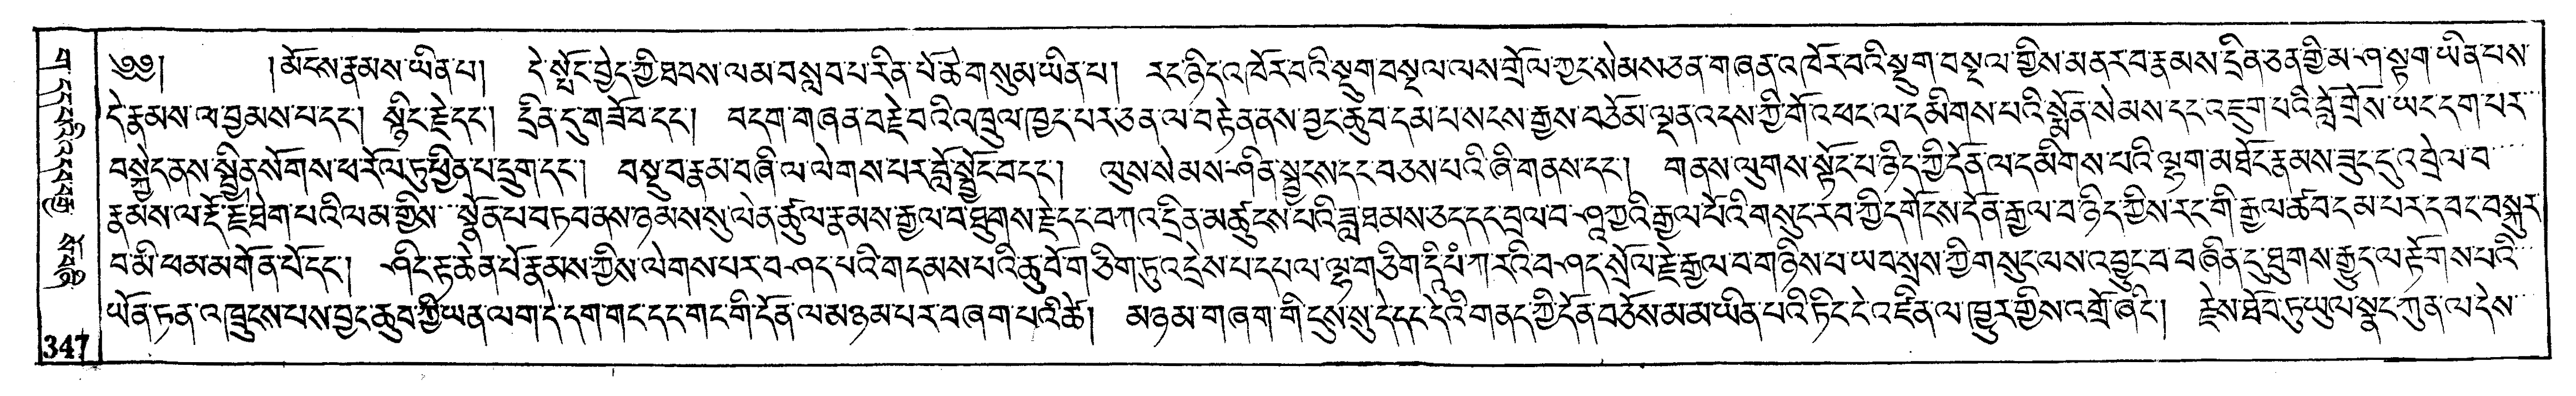༄༅། །མོངས་རྣམས་ཡིན་པ། དེ་སྤོང་བྱེད་ཀྱི་ཐབས་ལམ་བསླབ་པ་རིན་པོ་ཆེ་གསུམ་ཡིན་པ། རང་ཉིད་འཁོར་བའི་སྡུག་བསྔལ་ལས་གྲོལ་ཀྱང་སེམས་ཅན་གཞན་འཁོར་བའི་སྡུག་བསྔལ་གྱིས་མནར་བ་རྣམས་དྲིན་ཅན་གྱི་མ་ཤ་སྟག་ཡིན་པས།
དེ་རྣམས་ལ་བྱམས་པ་དང་། སྙིང་རྗེ་དང་། དྲིན་དུ་གཟོ་བ་དང་། བདག་གཞན་བརྗེ་བའི་འཁྲུལ་ཁྱད་པར་ཅན་ལ་བརྟེན་ནས་བྱང་ཆུབ་དམ་པ་སངས་རྒྱས་བཅོམ་ལྡན་འདས་ཀྱི་གོ་འཕང་ལ་དམིགས་པའི་སྨོན་སེམས་དང་འཇུག་པའི་བློ་གྲོས་ཡང་དག་པར་
བསྐྱེད་ནས་སྦྱིན་སོགས་ཕ་རོལ་ཏུ་ཕྱིན་པ་དྲུག་དང་། བསྡུ་བ་རྣམ་བཞི་ལ་ལེགས་པར་བློ་སྦྱོང་བ་དང་། ལུས་སེམས་ཤིན་སྦྱངས་དང་བཅས་པའི་ཞི་གནས་དང་། གནས་ལུགས་སྟོང་པ་ཉིད་ཀྱི་དོན་ལ་དམིགས་པའི་ལྷག་མཐོང་རྣམས་ཟུང་དུ་འབྲེལ་བ་
རྣམས་ལ་རྡོ་རྗེ་ཐིག་པའི་ལམ་གྱིས་སྣོན་པ་བཏབ་ནས་ཉམས་སུ་ལེན་ཚུལ་རྣམས་རྒྱལ་བ་ཐུགས་རྗེ་དང་བཀའ་དྲིན་མཚུངས་པའི་ཟླ་ཐམས་ཅད་དང་བྲལ་བ་ཤཱཀྱའི་རྒྱལ་པོའི་གསུང་རབ་ཀྱི་དགོངས་དོན་རྒྱལ་བ་ཉིད་ཀྱིས་རང་གི་རྒྱལ་ཚབ་དམ་པར་དབང་བསྐུར་
བ་མི་ཕམ་མགོན་པོ་དང་། ཤིང་རྟ་ཆེན་པོ་རྣམས་ཀྱིས་ལེགས་པར་བཤད་པའི་གདམས་པའི་ཆུ་བོ་གཅིག་ཏུ་འདྲེས་པ་དཔལ་ལྷ་གཅིག་དཱི་པཾ་ཀ་རའི་བཤད་སྲོལ་རྗེ་རྒྱལ་བ་གཉིས་པ་ཡབ་སྲས་ཀྱི་གསུང་ལས་འབྱུང་བ་བཞིན་དུ་ཐུགས་རྒྱུད་ལ་རྟོགས་པའི་
ཡོན་ཏན་འཁྲུངས་པས་བྱང་ཆུབ་ཀྱི་ཡན་ལག་དེ་དག་གང་དང་གང་གི་དོན་ལ་མཉམ་པར་བཞག་པའི་ཚེ། མཉམ་གཞག་གི་དུས་སུ་དེ་དང་དེའི་གནད་ཀྱི་དོན་བཅོས་མ་མ་ཡིན་པའི་ཏིང་ངེ་འཛིན་ལ་ཁྱུར་གྱིས་འགྲོ་ཞིང་། རྗེས་ཐོབ་ཏུ་ཡུལ་ཡང་ཀུན་ལ་དེས་